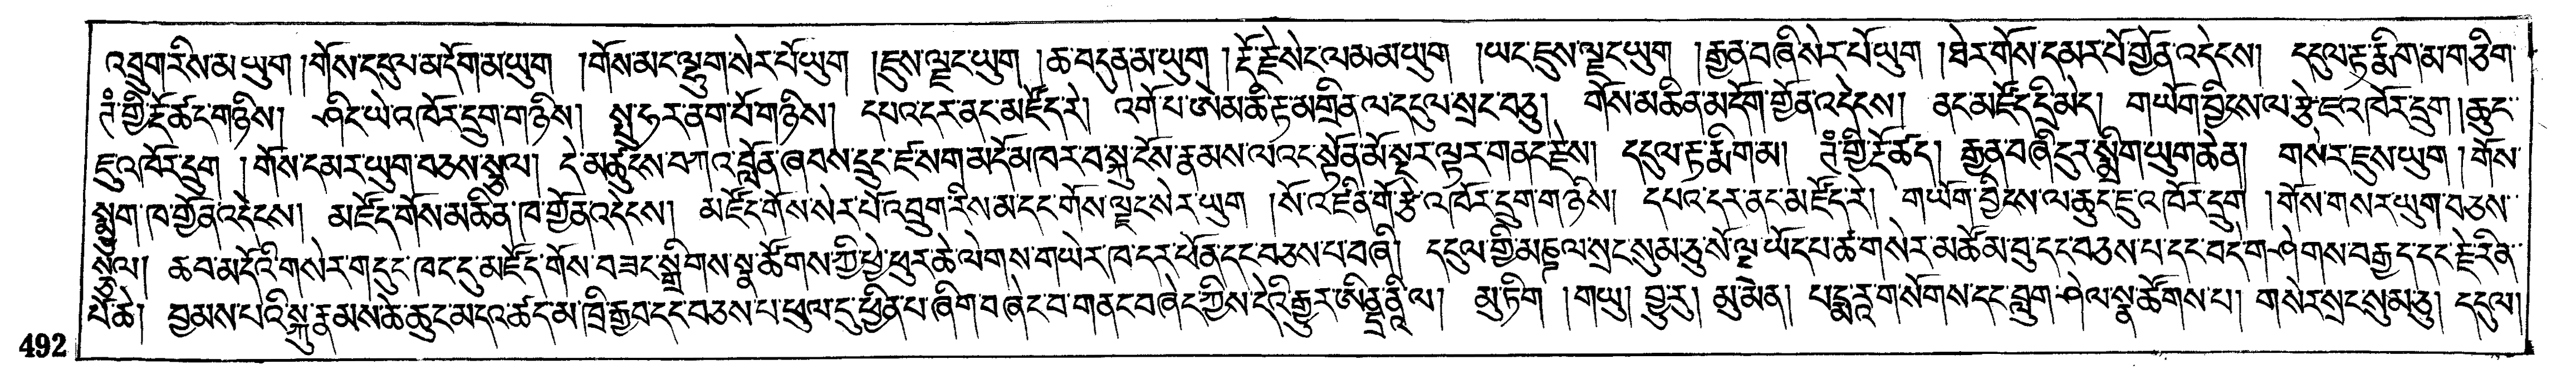འབྲུག་རིས་མ་ཡུག །གོས་དངུལ་མདོག་མ་ཡུག །གོས་མང་ལྷུག་སེར་པོ་ཡུག །ཇུས་ལྗང་ཡུག །ཆ་བདུན་མ་ཡུག །རྡོ་རྗེ་སེང་ལམ་མ་ཡུག །ཡང་ཇུས་ལྗང་ཡུག །རྒྱན་བཞི་སེར་པོ་ཡུག །ཐེར་གོས་དམར་པོ་གྱོན་འདེངས། དངུལ་རྟ་རྨིག་མ་གཅིག་
ཊཾ་གྱི་རྡོ་ཚང་གཉིས། ཤིང་ཡེ་འཁོར་དྲུག་གཉིས། སྤུ་ཧར་ནག་པོ་གཉིས། དཔའ་དར་ནང་མཛོད་རེ། འགོ་པ་ཨེམ་ཆི་རྟ་མགྲིན་ལ་དངུལ་སྲང་བཅུ། གོས་མཆིན་མདོག་གྱོན་འདེངས། ནང་མཛོད་དྲི་མེད། གཡོག་བྱིངས་ལ་རྩེ་ཇ་འཁོར་དྲུག །ཆུང་
ཇུ་འཁོར་དྲུག། གོས་དམར་ཡུག་བཅས་སྩལ། དེ་མཚུངས་བཀའ་བློན་ཞབས་དྲུང་ཛ་སག་མདོ་མཁར་བ་སྐུ་ངོས་རྣམས་ལའང་སྟོན་མོ་སྔར་ལྟར་གནང་རྫས། དངུལ་རྟ་རྨིག་མ། ཊཾ་གྱི་རྡོ་ཆེང་། རྒྱན་བཞི་དུར་སྨྲིག་ཡུག་ཆེན། གསེར་ཇུས་ཡུག །གོས་
སྨྱུག་ཁ་གྱོན་འདེངས། མཛོད་གོས་མཆིན་ཁ་གྱོན་འདེངས། མཛོད་གོས་སེར་པོ་འབྲུག་རིས་མ་དང་གོས་ལྗང་སེར་ཡུག །སོ་འཛིན་ཀོ་རྩེ་འཁོར་དྲུག་གཉིས། དཔའ་དར་ནང་མཛོད་རེ། གཡོག་བྱིངས་ལ་ཆུང་ཇུ་འཁོར་དྲུག །གོས་གསེར་ཡུག་བཅས་
སྩལ། ཆབ་མདོའི་གསེར་གདུང་ཁང་དུ་མཛོད་གོས་བཟང་སྒྲིགས་སྣ་ཚོགས་ཀྱི་ཕྱེ་ཕུར་ཆེ་ལེགས་གཡེར་ཁ་དར་ཕོན་དང་བཅས་པ་བཞི། དངུལ་གྱི་མཎྜལ་སྲང་སུམ་ཅུ་སོ་ལྔ་ཡོད་པ་ཚ་གསེར་མཚོམ་བུ་དང་བཅས་པ་དང་བདེ་གཤེགས་བརྒྱད་དང་རྗེ་རིན་
པོ་ཆེ། བྱམས་པའི་སྐུ་རྣམས་ཆེ་ཆུང་མདའ་ཚད་མ་ཁྲི་རྒྱབ་དང་བཅས་པ་ཕུལ་དུ་ཕྱིན་པ་ཞིག་བཞེང་བ་གནང་བཞེང་ཀྱིས་དེའི་རྒྱུར་ཨིནྡྲ་ནཱི་ལ། མུ་ཏིག །གཡུ། བྱུ་རུ། མུ་མན། པདམ་རཱ་ག་སོགས་དང་བླུག་ཤེལ་སྣ་ཚོགས་པ། གསེར་སྲང་སུམ་ཅུ། དངུལ།